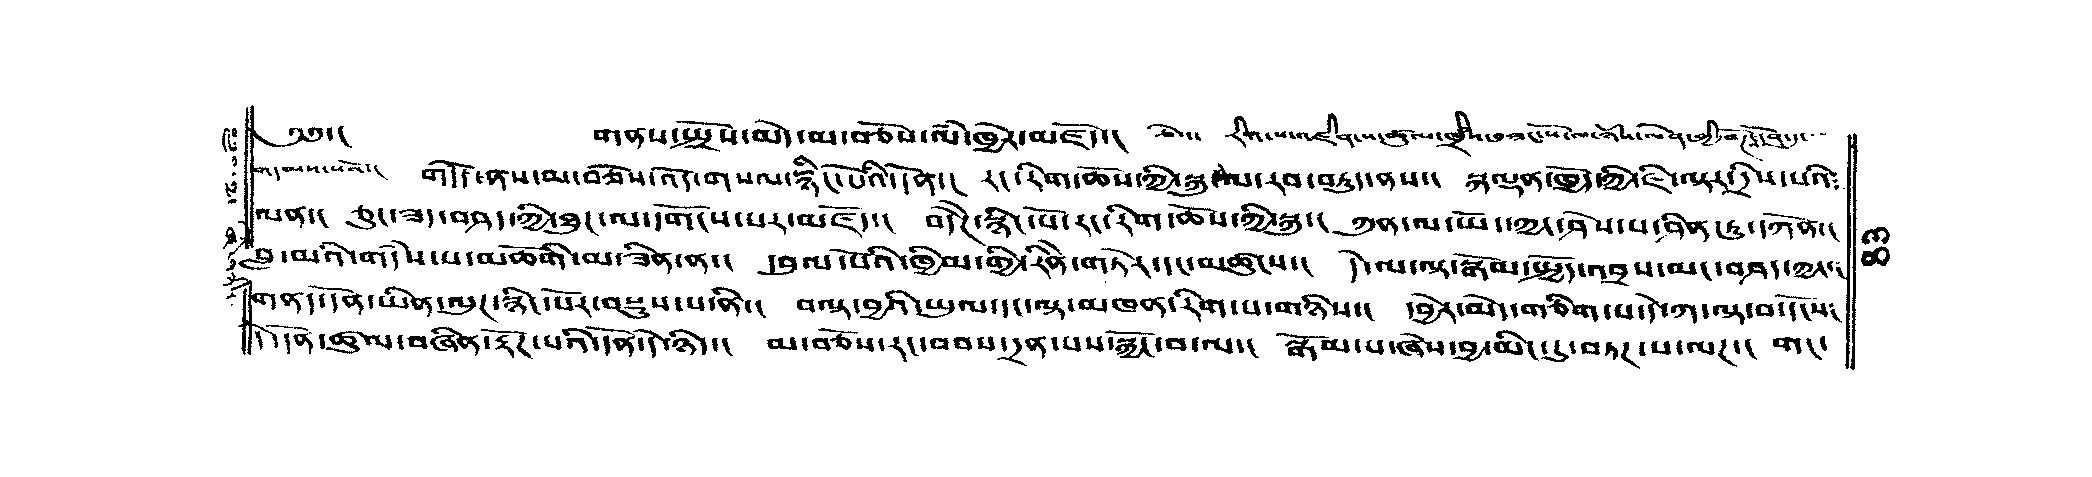གནས་སྤྲོས་མེད་མ་བཅོས་ལམ་ཁྱེར་མཛོད།།ཅེས་རྀག་པ་འཛིན་པ་ཚུལ་ཁྲིམས་བཟང་པོ་ལ་ཉམས་ལེན་གྱི་བོགས་དོན་དུ་
གདམས་པའོ།། ༈ གདོད་ནས་མ་བཅོས་འོད་གསལ་སྙིང་པོའི་དོན། །རང་རིག་ཆོས་ཀྱི་སྐུ་ལ་རབ་བཏུད་ནས། །སྐལ་ལྡན་ཁྱོད་ཀྱི་ཇི་ལྟར་དྲིས་པའི་
ལན། །ཅུང་ཟད་བཤད་ཀྱི་ཐུགས་ལ་དགོངས་པར་མཛོད། །བདེ་བཤེགས་སྙིང་པོ་རང་རིག་ཆོས་ཀྱི་སྐུ། །ཀུན་ལ་ཡོད་ཀྱང་ཤེས་པ་ཤིན་ཏུ་དཀོན། །
བླ་མའི་གདམ་པ་མཆོག་གི་མ་ཟིན་ན། །དབུལ་པོའི་ཁྱིམ་ཀྱི་རིན་ཆེན་གཏེར་དང་མཚུངས། །དེ་ལ་ལྟ་སྒོམ་སྤྱོད་འབྲས་མང་བཤད་ཀྱང་། །
གནད་དོན་ཡིན་ལུགས་ཅུང་ཟད་བསྡུས་པ་ནི། །བལྟ་བྱའི་ཡུལ་དང་ལྟ་མཁན་རིག་པ་གཉིས། །དབྱེར་མེད་གཅིག་པ་དེ་ཀ་ལྟ་བ་དངོས། །
དེ་དོན་ཚུལ་བཞིན་རྟོགས་པའི་དོན་དེ་ཉིད། །མ་བཅོས་རང་བབས་དྲན་པས་སྐྱོང་བ་ལ། །སྒོམ་པ་ཞེས་བྱ་མིང་དུ་བཏགས་པ་ལགས། །གང་